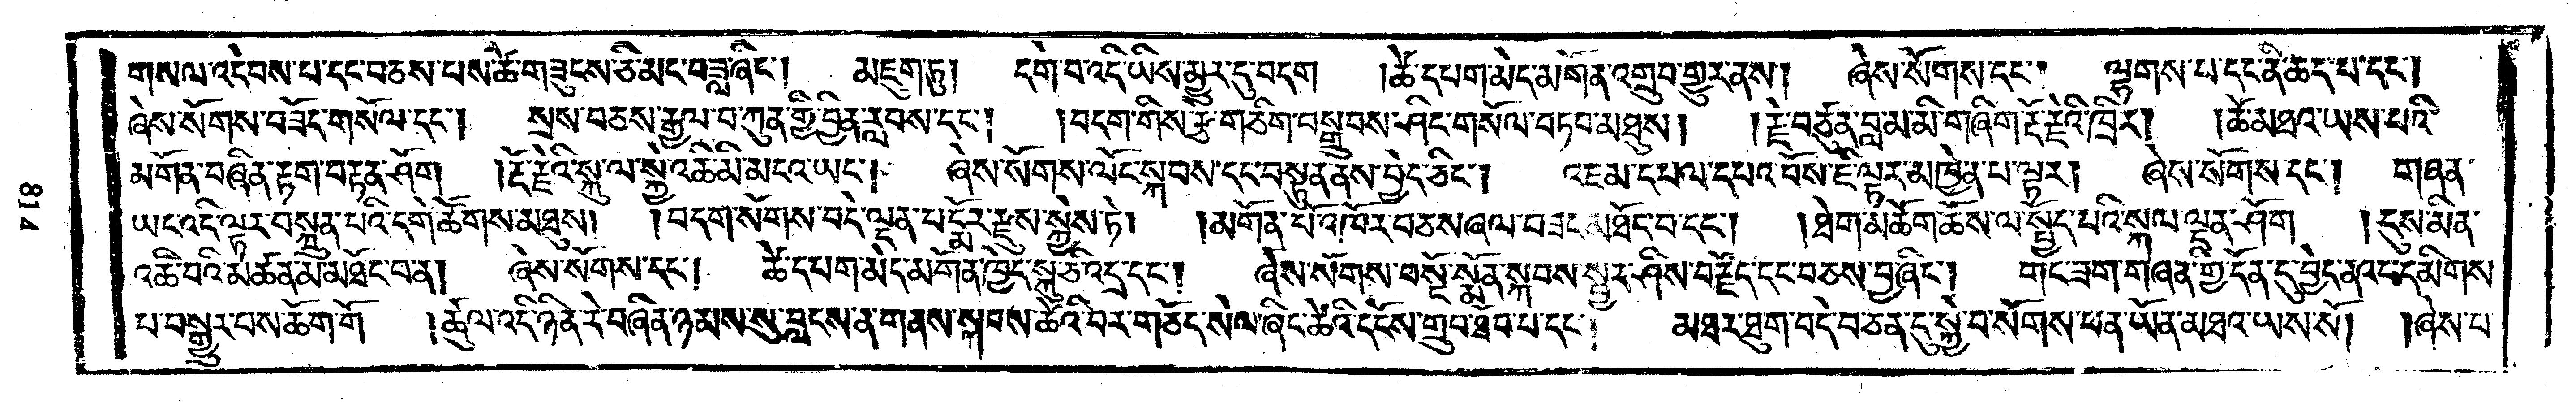གསལ་འདེབས་པ་དང་བཅས་པས་ཚེ་གཟུངས་ཅི་མང་བཟླ་ཞིང་། མཇུག་ཏུ། དགེ་བ་འདི་ཡིས་མྱུར་དུ་བདག །ཚེ་དཔག་མེད་མགོན་འགྲུབ་གྱུར་ནས། ཞེས་སོགས་དང་། ལྷགས་པ་དང་ནི་ཆད་པ་དང་།
ཞེས་སོགས་བཟོད་གསོལ་དང་། སྲས་བཅས་རྒྱལ་བ་ཀུན་གྱི་བྱིན་རླབས་དང་། །བདག་གིས་རྩེ་གཅིག་བསྒྲུབས་ཤིང་གསོལ་བཏབ་མཐུས། །རྗེ་བཙུན་བླ་མ་མི་གཞིག་རྡོ་རྗེའི་ཁྲིར། །ཆོ་མཐའ་ཡས་པའི་
མགོན་བཞིན་རྟག་བརྟན་ཤོག །རྡོ་རྗེའི་སྐུ་ལ་སྐྱེ་འཆི་མི་མངའ་ཡང་། ཞེས་སོགས་ལོང་སྐབས་དང་བསྟུན་ནས་བྱེད་ཅིང་། འཇམ་དཔལ་དཔའ་བོས་ཇི་ལྟར་མཁྱེན་པ་ལྟར། ཞེས་སོགས་དང་། གཞན་
ཡང་འདི་ལྟར་བསྐྲུན་པའི་དགེ་ཚོགས་མཐུས། །བདག་སོགས་བདེ་ལྡན་པདམོར་རྫུས་སྐྱེས་ཏེ། །མགོན་པོ་འཁོར་བཅས་ཞལ་བཟང་མཐོང་བ་དང་། །ཐེག་མཆོག་ཆོས་ལ་སྤྱོད་པའི་སྐལ་ལྡན་ཤོག །དུས་མིན་
འཆི་བའི་མཚན་མ་མཐོང་བ་ན། ཞེས་སོགས་དང་། ཚེ་དཔག་མེད་མགོན་ཁྱེད་སྐུ་ཅི་འདྲ་དང་། ཞེས་སོགས་བསྔོ་སྨོན་སྐབས་སྦྱར་ཤིས་བརྗོད་དང་བཅས་བྱ་ཞིང་། གང་ཟག་གཞན་གྱི་དོན་དུ་བྱེད་ནའང་དམིགས་
པ་བསྒྱུར་བས་ཆོག་གོ །ཚུལ་འདི་ཉིན་རེ་བཞིན་ཉམས་སུ་བླངས་ན་གནས་སྐབས་ཚེའི་བར་གཅོད་སེལ་ཞིང་ཚེའི་དངོས་གྲུབ་ཐོབ་པ་དང་། མཐར་ཐུག་བདེ་བ་ཅན་དུ་སྐྱེ་བ་སོགས་ཕན་ཡོན་མཐའ་ཡས་སོ། །ཞེས་པ་